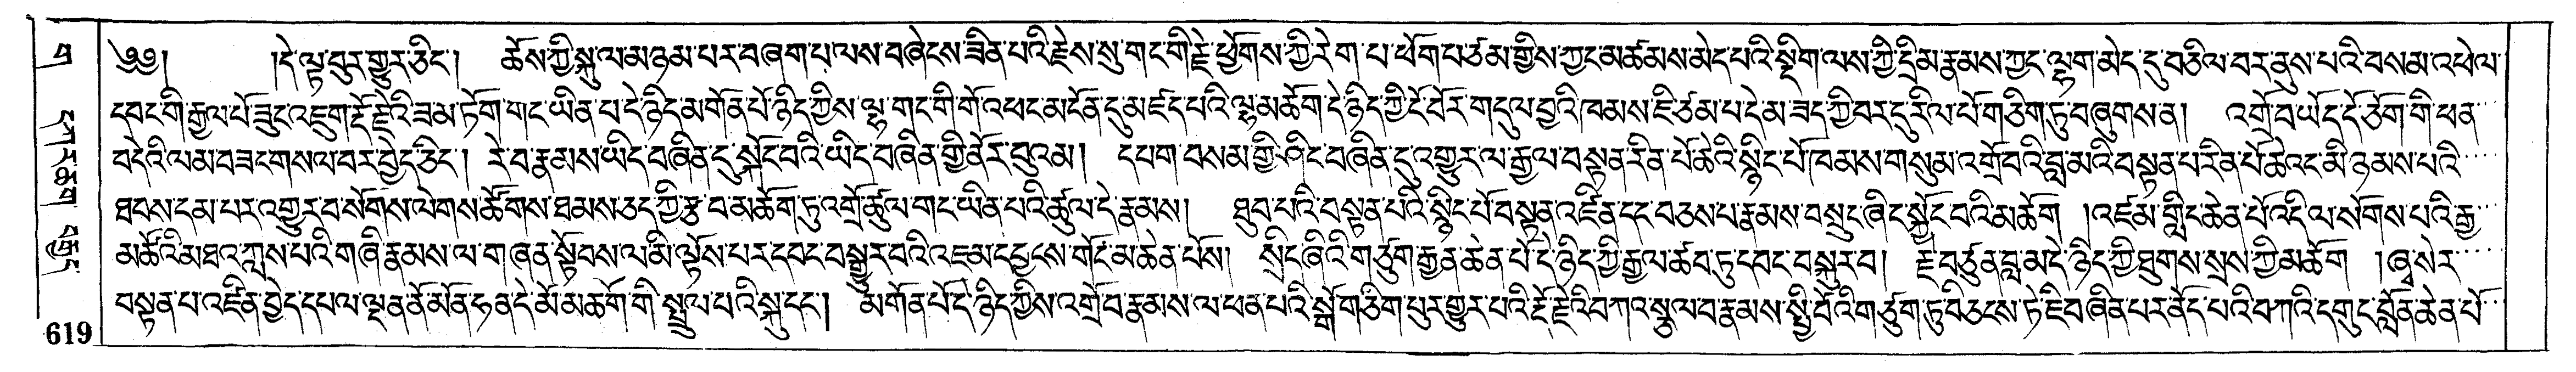༄༅། །དེ་ལྟ་བུར་གྱུར་ཅིང་། ཆོས་ཀྱི་སྐུ་ལ་མཉམ་པར་བཞག་པ་ལས་བཞེངས་ཟིན་པའི་རྗེས་སུ་གང་གི་རྫི་ཕྱོགས་ཀྱི་རེག་པ་ཕོག་པ་ཙམ་གྱིས་ཀྱང་མཚམས་མེད་པའི་སྡིག་ལས་ཀྱི་དྲི་མ་རྣམས་ཀྱང་ལྷག་མེད་དུ་བཅིལ་བར་ནུས་པའི་བསམ་འཕེལ་
དབང་གི་རྒྱལ་པོ་ཟུང་འཇུག་རྡོ་རྗེའི་ཟ་མ་ཏོག་གང་ཡིན་པ་དེ་ཉིད་མགོན་པོ་ཉིད་ཀྱིས་ལྷ་གང་གི་གོ་འཕང་མངོན་དུ་མཛད་པའི་ལྷ་མཆོག་དེ་ཉིད་ཀྱི་ངོ་བོར་གདུལ་བྱའི་ཁམས་ཇི་ཙམ་པ་དེ་མ་ཟད་ཀྱི་བར་དུ་རིལ་པོ་གཅིག་ཏུ་བཞུགས་ན། འགྲོ་བ་ཡོད་དོ་ཅོག་གི་ཕན་
བདེའི་ལམ་བཟང་གསལ་བར་བྱེད་ཅིང་། རེ་བ་རྣམས་ཡིད་བཞིན་དུ་སྐོང་བའི་ཡིད་བཞིན་གྱི་ནོར་བུའམ། དཔག་བསམ་གྱི་ཤིང་བཞིན་དུ་འགྱུར་ལ་རྒྱལ་བསྟན་རིན་པོ་ཆེའི་སྙིང་པོ་ཁམས་གསུམ་འགྲོ་བའི་བླ་མའི་བསྟན་པ་རིན་པོ་ཆེའང་མི་ཉམས་པའི་
ཐབས་དམ་པར་འགྱུར་བ་སོགས་ལེགས་ཚོགས་ཐམས་ཅད་ཀྱི་རྩ་བ་མཆོག་ཏུ་འགྲོ་ཚུལ་གང་ཡིན་པའི་ཚུལ་དེ་རྣམས། ཐུབ་པའི་བསྟན་པའི་སྙིང་པོ་བསྟན་འཛིན་དང་བཅས་པ་རྣམས་བསྲུང་ཞིང་སྐྱོང་བའི་མཆོག །འཛམ་གླིང་ཆེན་པོ་འདི་ལ་སོགས་པའི་རྒྱ་
མཚོའི་མཐའ་ཀླས་པའི་གཞི་རྣམས་ལ་གཞན་སྟོབས་ལ་མི་ལྟོས་པར་དབང་བསྒྱུར་བའི་འཇམ་དབྱངས་གོང་མ་ཆེན་པོས། སྲིད་ཞིའི་གཙུག་རྒྱན་ཆེན་པོ་དེ་ཉིད་ཀྱིས་རྒྱལ་ཚབ་ཏུ་དབང་བསྐུར་བ། རྗེ་བཙུན་བླ་མ་དེ་ཉིད་ཀྱི་ཐུགས་སྲས་ཀྱི་མཆོག །ཞྭ་སེར་
བསྟན་པ་འཛིན་བྱེད་དཔལ་ལྡན་ནེ་མོན་ཧན་དེ་མོ་མཆིག་གི་སྤྲུལ་པའི་སྐུ་དང་། མགོན་པོ་དེ་ཉིད་ཀྱིས་འགྲོ་བ་རྣམས་ལ་ཕན་པའི་སྒོ་གཅིག་པུར་གྱུར་པའི་རྡོ་རྗེའི་བཀའ་སྩལ་བ་རྣམས་སྤྱི་བོའི་གཙུག་ཏུ་བཅིངས་ཏེ་ཇི་བཞིན་པར་ནོད་པའི་བཀའི་དགུང་བློན་ཆེན་པོ་